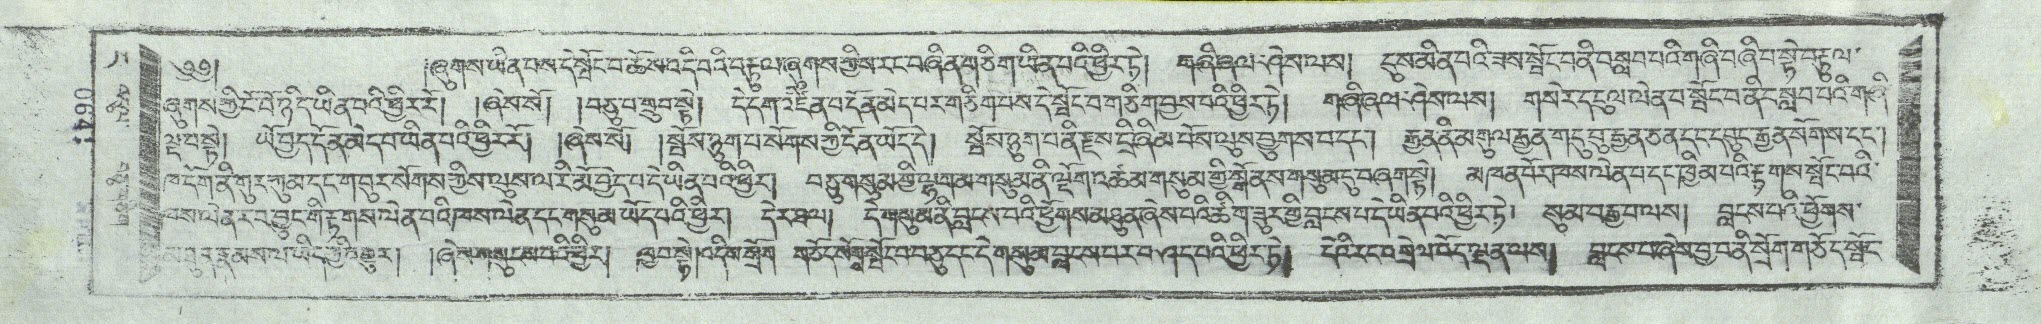༄༅། །ཞུགས་ཡིན་པས་དེ་སྤོང་བ་ཆོས་འདི་བའི་བརྟུལ་ཞུགས་ཀྱིས་རང་བཞིན་གཅིག་ཡིན་པའི་ཕྱིར་ཏེ། གཞི་ཞལ་ཤེས་ལས། དུས་མིན་པའི་ཟས་སྤོང་བ་ནི་བསླབ་པའི་གཞི་བཞི་པ་སྟེ་བརྟུལ་
ཞུགས་ཀྱི་ངོ་བོ་ཉིད་ཡིན་པའི་ཕྱིར་རོ། །ཞེས་སོ། །བཅུ་པ་གྲུབ་སྟེ། དེ་དག་འཛིན་པ་དོན་མེད་པར་གཅིག་པས་དེ་སྤོང་བ་གཅིག་བྱས་པའི་ཕྱིར་ཏེ། གཞི་ཞལ་ཤེས་ལས། གསེར་དངུལ་ལེན་པ་སྤོང་བ་ནི་བསླབ་པའི་གཞི་
ལྔ་པ་སྟེ། ཡོ་བྱད་དོན་མེད་པ་ཡིན་པའི་ཕྱིར་རོ། །ཞེས་སོ། །སྤོས་ཉུག་པ་སོགས་ཀྱི་དོན་ཡོད་དེ། སྤོས་ཉུག་པ་ནི་རྫས་དྲི་ཞིམ་པོས་ལུས་བྱུགས་པ་དང་། རྒྱན་ནི་མགུལ་རྒྱན་གདུ་བུ་རྒྱན་ཅན་དང་དཔུང་རྒྱན་སོགས་དང་།
ཁ་དོག་ནི་གུར་ཀུམ་དང་ག་བུར་སོགས་ཀྱིས་ལུས་ལ་རི་མོ་བྱེད་པ་དེ་ཡིན་པའི་ཕྱིར། བ་ཉུ་གསུམ་གྱི་ལྷག་མ་གསུམ་ནི་ལྡོག་འཚམ་གསུམ་གྱི་སྒོ་ནས་གསུམ་དུ་བཞག་སྟེ། མཁན་པོར་ཁས་ལེན་པ་དང་ཁྱིམ་པའི་རྟགས་སྤོང་བའི་
ཁས་ལེན་རབ་བྱུང་གི་རྟགས་ལེན་པའི་ཁས་ལེན་དང་གསུམ་ཡོད་པའི་ཕྱིར། དེར་ཐལ། དེ་གསུམ་ནི་བླངས་པའི་ཕྱོགས་མཐུན་ཞེས་པའི་ཚིག་ཟུར་གྱི་བླངས་པ་དེ་ཡིན་པའི་ཕྱིར་ཏེ། སུམ་བརྒྱ་པ་ལས། བླངས་པའི་ཕྱོགས་
མཐུན་རྣམས་ལ་ཡིད་ཀྱི་འགྱུར། །ཞེས་གསུངས་པའི་ཕྱིར། ཁྱབ་སྟེ། འདིས་སྲོག་གཅོད་སོགས་སྤོང་བ་བཅུ་དང་དེ་གསུམ་བླངས་པར་བཤད་པའི་ཕྱིར་ཏེ། དེའི་རང་འགྲེལ་འོད་ལྡན་ལས། བླངས་པ་ཞེས་བྱ་བ་ནི་སྲོག་གཅོད་སྤོང་